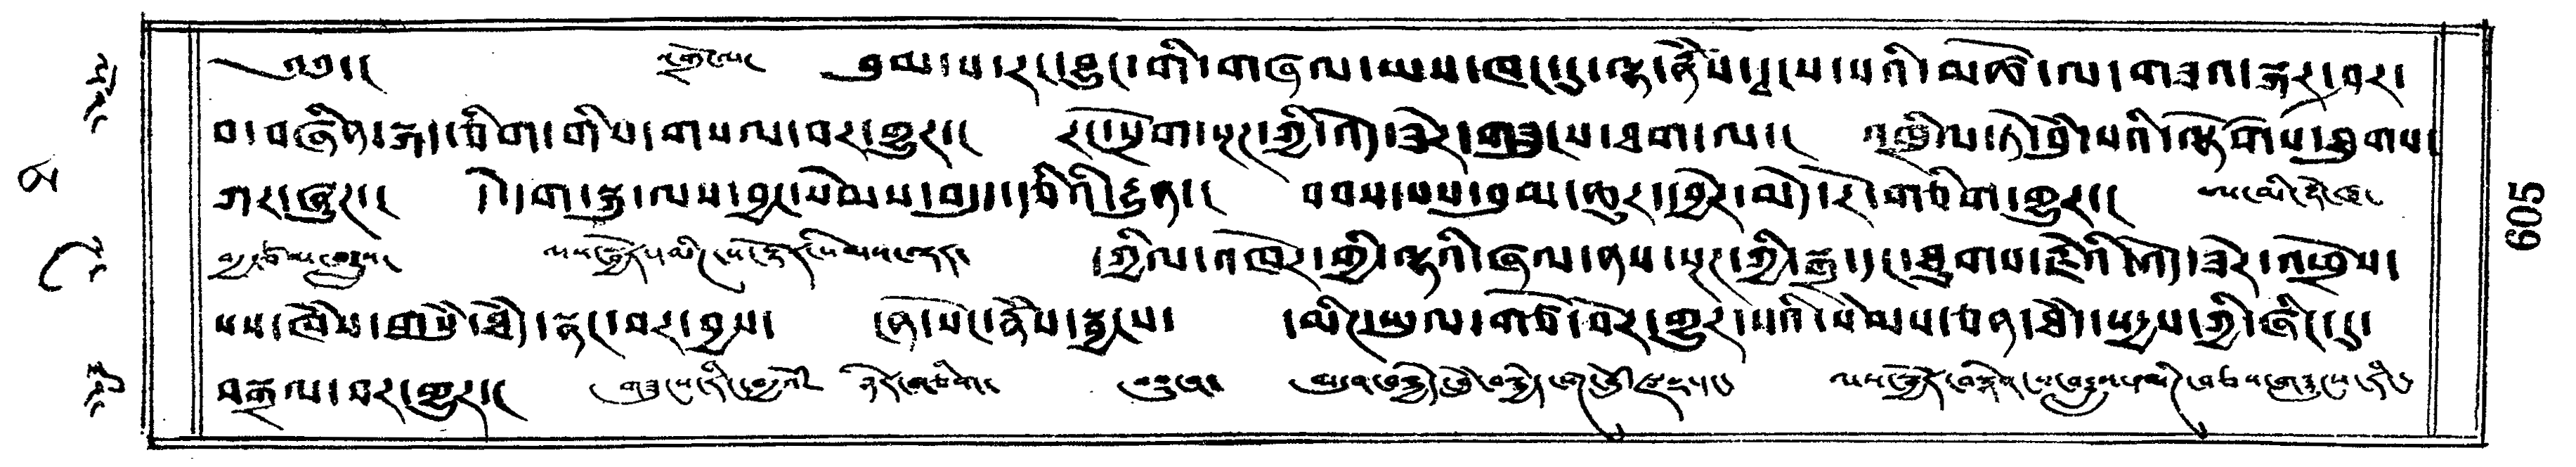འགྲོ་ལ། བུམ་པ་རང་བྱུང་གི་གཞལ་ཡས་ཁང་དུ་ལྷ་རྣམས་དྭངས་པའི་མཚོ་ལ་གཟའ་སྐར་ཤར་
བ་བཞིན་སྐད་ཅིག་གིས་གསལ་བར་གྱུར། རང་སྲོག་སྔགས་ཀྱི་འོད་ཟེར་གཟུངས་ཐག་ལ། །འཁྲིལ་ཏེ་བུམ་པའི་ལྷ་ཚོགས་ཐུགས་
ཀར་ཞུགས། །དེ་དག་སྐུ་ལས་བྱང་སེམས་བདུད་རྩིའི་རྒྱུན། །བབས་པས་བུམ་ཆུར་དབྱེར་མེད་རོ་གཅིག་གྱུར། ། ཨ་མི་དྷེ་ཝ་
བརྒྱ་ཙམ་བཟླས། ལས་སྦྱོར་དམིགས་པ་རྡོར་སེམས་ལྟར། དཀྱིལ་འཁོར་གྱི་ལྷའི་ཞལ་ནས་སྔགས་ཀྱི་སྒྲ་དང་ཐུགས་རྗེའི་འོད་ཟེར་འཕྲོས་
པས་ཁམས་གསུམ་ཐམས་ཅད་སྣང་བར་བྱས། ངན་སོང་རྣམས་སྦྱངས།དམིགས་ཡུལ་གཙོ་བོར་གྱུར་པའི་སེམས་ཅན་ཐམས་ཅད་སངས་རྒྱས་ཀྱི་ཞིང་དུ་
བསྒྲལ་བར་གྱུར། གཟུངས་རིང་བརྒྱའམ་ཉེར་གཅིག བསྡུ་ན། མདུན་བསྐྱེད་བུམ་བསྐྱེད་སོགས་བུམ་ཛཔྲ་དང་། ལས་སྦྱོར་བསྙཻན་པ་བཟླས་དམིགས་བཅས་གཟུངས་རིང་